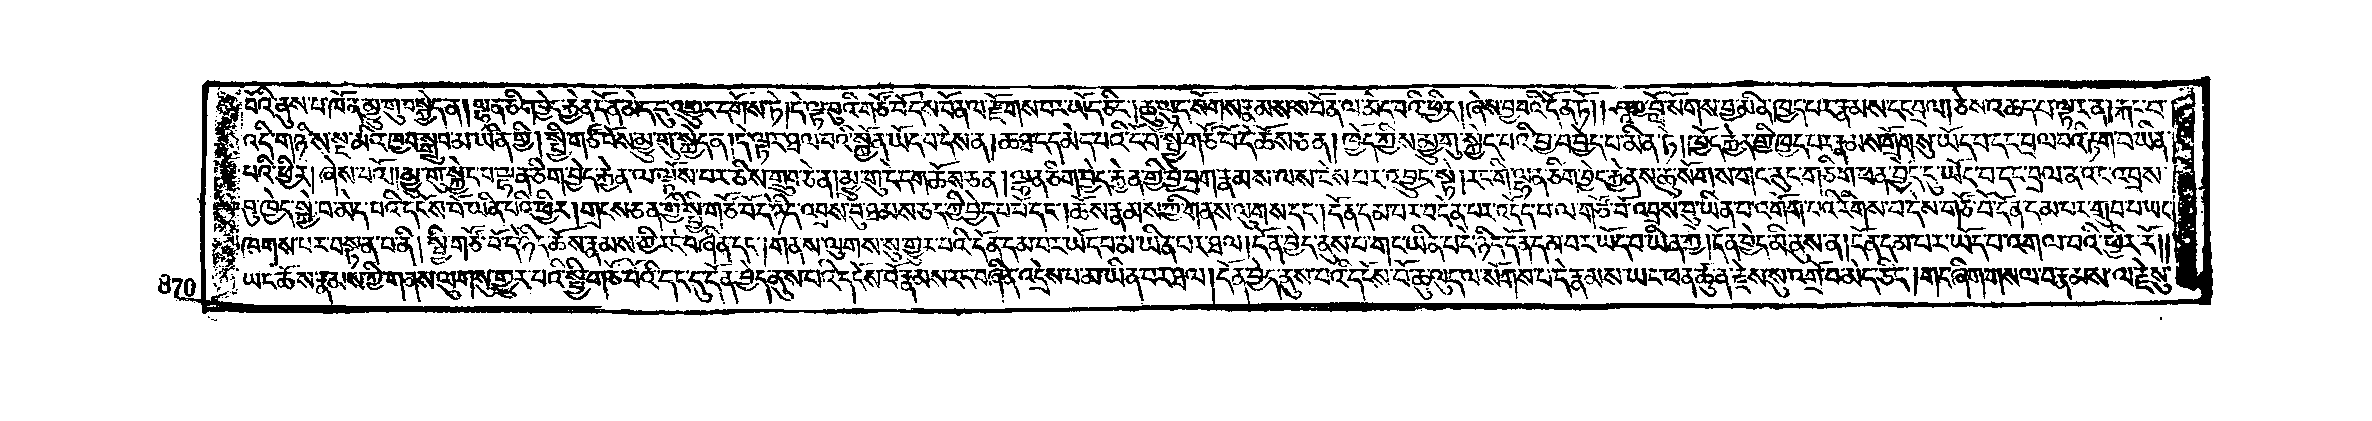བོའི་ནུས་པ་ཁོ་ན་མྱུ་གུ་བསྐྱེད་ན། ལྷན་ཅིག་བྱེད་རྐྱེན་དོན་མེད་དུ་འགྱུར་དགོས་ཏེ། དེ་ལྟ་བུའི་གཙོ་བོ་དེ་ས་བོན་ལ་རྫོགས་པར་ཡོད་ཅིང་། ཆུ་ལུད་སོགས་རྣམས་ས་བོན་ལ་མེད་པའི་ཕྱིར། ཞེས་བྱ་བའི་དོན་ཏོ། །ཤའྐྱ་བློ་སོགས་བྱ་མེད་ཁྱད་པར་རྣམས་དང་བྲལ། ཅེས་འཆད་པ་ལྟར་ན། རྐང་བ་
འདི་གཉིས་སྔ་མའི་ཁྱབ་སྒྲུབ་མ་ཡིན་གྱི། སྤྱི་གཙོ་བོས་མྱུ་གུ་སྐྱེད་ན། དེ་ལྟར་ཐལ་བའི་སྐྱོན་ཡོད་པ་དེས་ན། ཆ་ཐ་དད་མེད་པའི་ངོ་བོ་སྤྱི་གཙོ་བོ་དེ་ཆོས་ཅན། ཁྱོད་ཀྱིས་མྱུ་གུ་སྐྱེད་པའི་བྱ་བ་བྱེད་པ་མིན་ཏེ། ཁྱོད་རྐྱེན་གྱི་ཁྱད་པར་རྣམས་གྲོགས་སུ་ཡོད་པ་དང་། བྲལ་བའི་རྟག་པ་ཡིན་
པའི་ཕྱིར། ཞེས་པའོ། མྱུ་གུ་སྐྱེད་པ་ལྷན་ཅིག་བྱེད་རྐྱེན་ལ་ལྟོས་པར་ཅིས་གྲུབ་ཅེ་ན། མྱུ་གུ་དེ་དག་ཆོས་ཅན། ལྷན་ཅིག་བྱེད་རྐྱེན་གྱི་བྱེ་བྲག་རྣམས་ལས་ངེས་པར་འབྱུང་སྟེ། རང་གི་ལྷན་ཅིག་བྱེད་རྐྱེན་ས་ཆུ་སོགས་གང་རུང་གཅིག་ཕན་བྱེད་དུ་ཡོད་པ་དང་འབྲལ་ནའང་འབྲས་
བུ་ཁྱེད་སྐྱེ་བ་མེད་པའི་དངོས་པོ་ཡིན་པའི་ཕྱིར། གྲངས་ཅན་གྱི་སྤྱི་གཙོ་བོ་དེ་ཉིད་འབྲས་བུ་ཐམས་ཅད་ཀྱི་བྱེད་པ་པོ་དང་། ཆོས་རྣམས་ཀྱི་གནས་ལུགས་དང་། དོན་དམ་པར་བདེན་པར་འདོད་པ་ལ་གཙོ་བོ་འབྲས་བུ་ཡིན་པ་འགོག་པའི་རིགས་པ་དེས་གཙོ་བོ་དོན་དམ་པར་གྲུབ་པ་ཡང་
ཁེགས་པར་བསྟན་པ་ནི། སྤྱི་གཙོ་བོ་དེ་ཉིད་ཆོས་རྣམས་ཀྱི་རང་བཞིན་དང་། གནས་ལུགས་སུ་གྱུར་པའི་དོན་དམ་པར་ཡོད་པ་མ་ཡིན་པར་ཐལ། དོན་བྱེད་ནུས་པ་གང་ཡིན་པ་དེ་ཉིད་དོན་དམ་པར་ཡོད་པ་ཡིན་ཀྱི། དོན་བྱེད་མི་ནུས་ན། དོན་དམ་པར་ཡོད་པ་འགལ་བའི་ཕྱིར་རོ།།
ཡང་ཆོས་རྣམས་ཀྱི་གནས་ལུགས་སུ་གྱུར་པའི་སྤྱི་གཙོ་བོའི་དང་དུ་དོན་བྱེད་ནུས་པའི་དངོས་པོ་རྣམས་རང་བཞིན་འདྲེས་པ་མ་ཡིན་པར་ཐལ། དོན་བྱེད་ནུས་པའི་དངོས་པོ་ཆུ་ལུད་ལ་སོགས་པ་དེ་རྣམས་ཡང་ཕན་ཚུན་རྗེས་སུ་འགྲོ་བ་མེད་ཅིང་། གང་ཞིག་གསལ་བ་རྣམས་ལ་རྗེས་སུ་